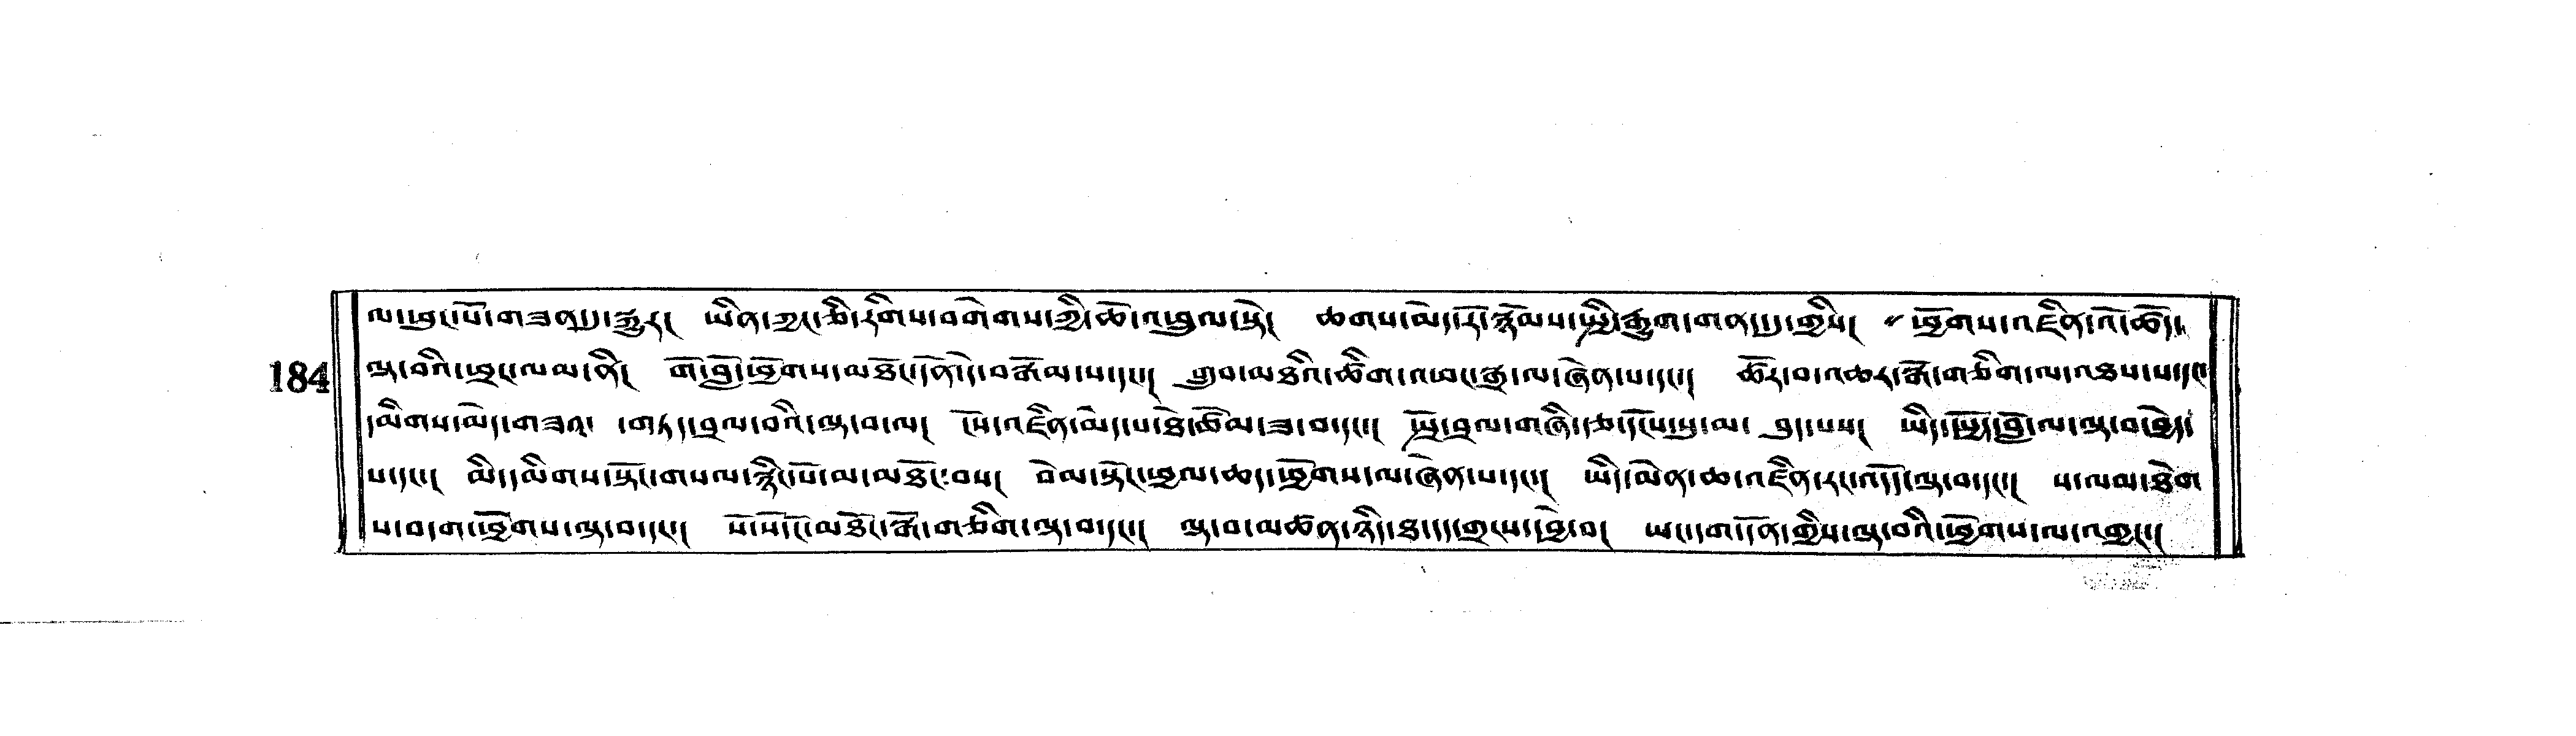ལ་ཕུང་པོ་གཟན་དུ་བསྐྱུར། ཡིན་ཀྱང་ཅི་རིགས་བགེགས་ཀྱི་ཆོ་འཕྲུལ་ཏེ། ཆགས་མེད་རོ་སྙོམས་སྤྱི་རྒྱུགས་གནད་དུ་གྱིས། ༧ ཕྱོགས་འཛིན་འོལ་ཚོད་
ལྟ་བའི་འཕྲང་ལམ་ནི། གོ་བློ་ཕྱོགས་མཐོང་དོན་དེ་བསྒོམ་པ་དང་། གྲུབ་མཐའི་ཚིག་འཕྲང་སྒྲ་ལ་ཞེན་པ་དང་། ཚོར་བ་འཆར་སྒོ་གཅིག་ལ་འཐས་པ་དང་། 
དམིགས་མེད་གཟའ་གཏད་བྲལ་བའི་ལྟ་བ་ལ། ངོས་འཛིན་མེད་པ་ཐེ་ཚོམ་ཟ་བ་དང་། སྤྲོས་བྲལ་གཞི་རྩ་དངོས་སུ་མ་བུད་པས། ཡིད་དཔྱོད་བློ་ལ་ལྟ་བ་བྱེད་
པ་དང་། མི་དམིགས་སྟོང་གསལ་སྙིང་པོ་མ་མཐོང་བས། བེམ་སྟོང་ཕྱལ་ཆད་ཕྱོགས་ལ་ཞེན་པ་དང་། ཡིད་མེན་ཆ་འཛིན་རང་འདོད་ལྟ་བ་དང་། ས་ལམ་ཐེག་
པ་བདག་ཕྱོགས་ལྟ་བ་དང་། སོ་སོ་ངོ་མཐོང་སྒོ་གཅིག་ལྟ་བ་དང་། ལྟ་བ་མཚན་ཉིད་ཐ་དད་གྲངས་དབྱེ་བ། ཡང་དག་དོན་གྱི་ལྟ་བའི་ཕྱོགས་ལ་འགྱང་།